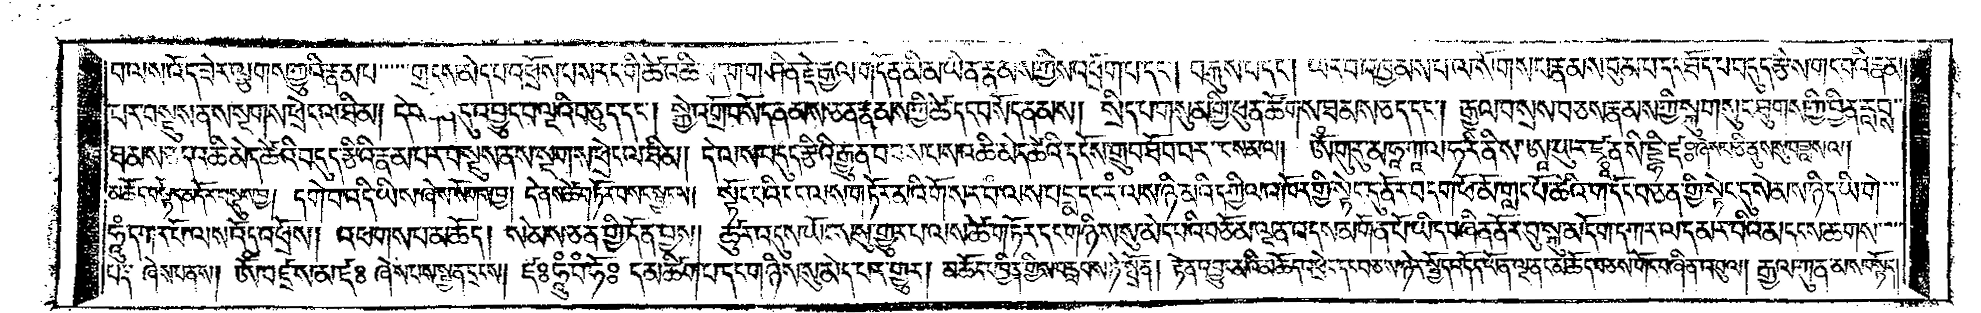བ་ལས་འོད་ཟེར་ལྕགས་ཀྱུའི་རྣམ་པ་གྲངས་མེད་པ་འཕྲོས་པས་རང་གི་ཚེ་འཆི་བདག་གཤིན་རྗེ་རྒྱལ་གདོན་མི་མ་ཡིན་རྣམས་ཀྱིས་འཕྲོག་པ་དང་། བརྐུས་པ་དང་། ཡར་བ་འཁྱམས་པ་ལ་སོགས་པ་རྣམས་བུམ་པ་དང་ཐོད་པ་བདུད་རྩིས་གང་བའི་རྣམ་
པར་བསྡུས་ནས་སྔགས་ཕྲེང་ལ་ཐིམ། དེ་བཞིན་དུ་འབྱུང་བ་ལྔའི་བཅུད་དང་། སྐྱེ་འགྲོ་བསོད་ནམས་ཅན་རྣམས་ཀྱི་ཚེ་དང་བསོད་ནམས། སྲིད་པ་གསུམ་གྱི་ཕུན་ཚོགས་ཐམས་ཅད་དང་། རྒྱལ་བ་སྲས་བཅས་རྣམས་ཀྱི་སྐུ་གསུང་ཐུགས་ཀྱི་བྱིན་རླབས་
ཐམས་ཅད་འཆི་མེད་ཚེའི་བདུད་རྩིའི་རྣམ་པར་བསྡུས་ནས་སྔགས་ཕྲེང་ལ་ཐིམ། དེ་ལས་བདུད་རྩིའི་རྒྱུན་བབས་པས་འཆི་མེད་ཚེའི་དངོས་གྲུབ་ཐོབ་པར་བསམ་ལ།  ཨོཾ་གུ་རུ་མཧཱ་ཀཱ་ལ་ཧ་རི་ནི་ས་ཨཱ་ཡུར་ཛྙཱ་ན་སིདྡྷི་ཛཿ ཞེས་པ་ཅི་ནུས་སུ་བཟླས་ལ།
མཆོད་བསྟོད་མདོར་བསྡུས་བྱ། དགེ་བ་འདི་ཡིས་ཞེས་སོགས་བྱ། དེ་ནས་ཚེ་གཏོར་བསང་སྦྱངས།  སྟོང་པའི་ངང་ལས་གཏོར་མའི་གོ་སར་བཾ་ལས་པདམ་དང་རཾ་ལས་ཉི་མའི་དཀྱིལ་འཁོར་གྱི་སྟེང་དུ་ནོར་བདག་ཕོ་མོ་གླང་པོ་ཆེའི་གདོང་བ་ཅན་གྱི་སྟེང་དུ་སེམས་ཉིད་ཡི་གེ་
ཧཱུཾ་དཀར་པོ་ལས་འོད་འཕྲོས། འཕགས་པ་མཆོད། སེམས་ཅན་གྱི་དོན་བྱས། ཚུར་འདུས་ཡོངས་སུ་གྱུར་པ་ལས་ཚེ་གཏོར་དང་གཉིས་སུ་མེད་པའི་བཅོམ་ལྡན་འདས་མགོན་པོ་ཡིད་བཞིན་ནོར་བུ་སྐུ་མདོག་དཀར་ལ་དམར་བའི་མདངས་ཆགས་
པ༑ ཞེས་པ་ནས།  ཨོཾ་བཛྲ་ས་མ་ཛཿ ཞེས་པས་སྤྱན་དྲངས།  ཛཿ ཧཱུཾ་བཾ་ཧོཿ དམ་ཚིག་པ་དང་གཉིས་སུ་མེད་པར་གྱུར། མཆོད་པ་བྱིན་གྱིས་བརླབས་ཏེ་སྤྲོན། རྟེན་འབྱུང་མའི་མཆོད་འཕྲེང་དང་བཅས་ཉེར་སྤྱོད་འདོད་ཡོན་ལྔ་ནང་མཆོད་བཅས་གོང་བཞིན་འབུལ།  རྒྱལ་ཀུན་མས་བསྟོད།